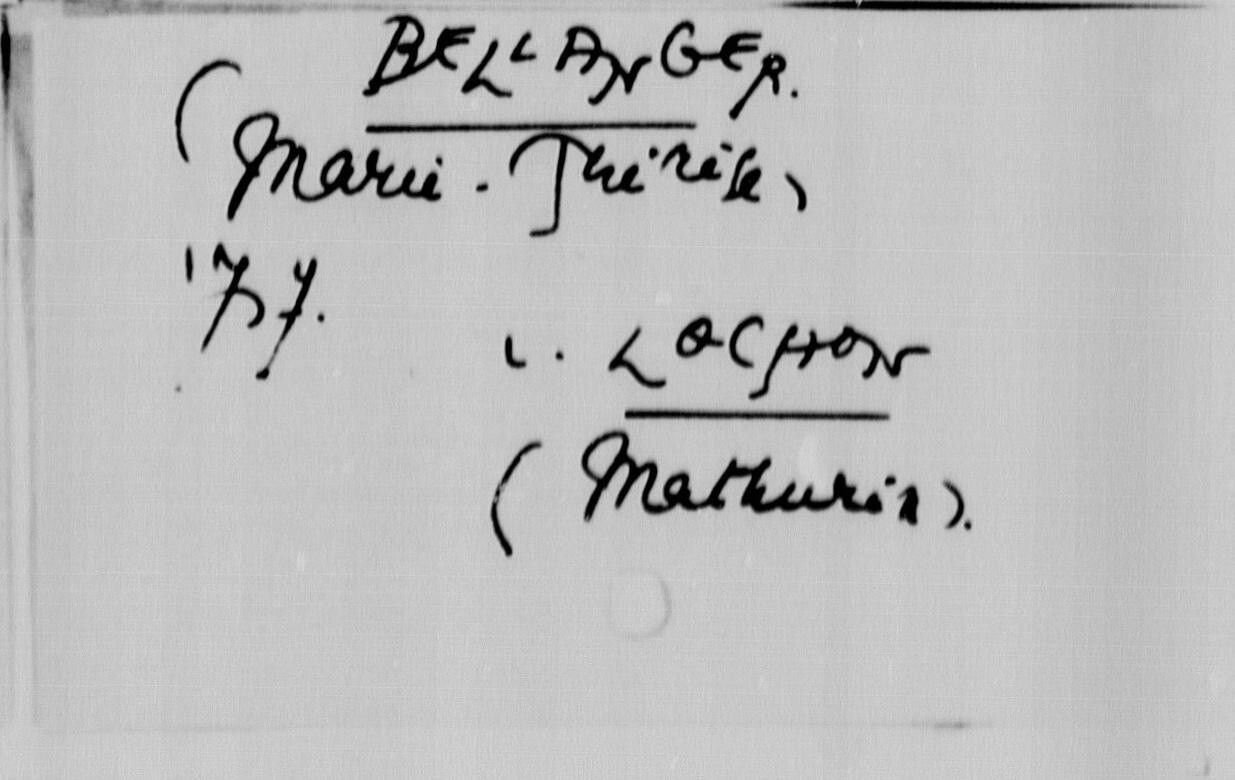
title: BELLANGER (Marie-Thérèse)
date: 1707
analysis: Voir LOCHON (Mathurin).
